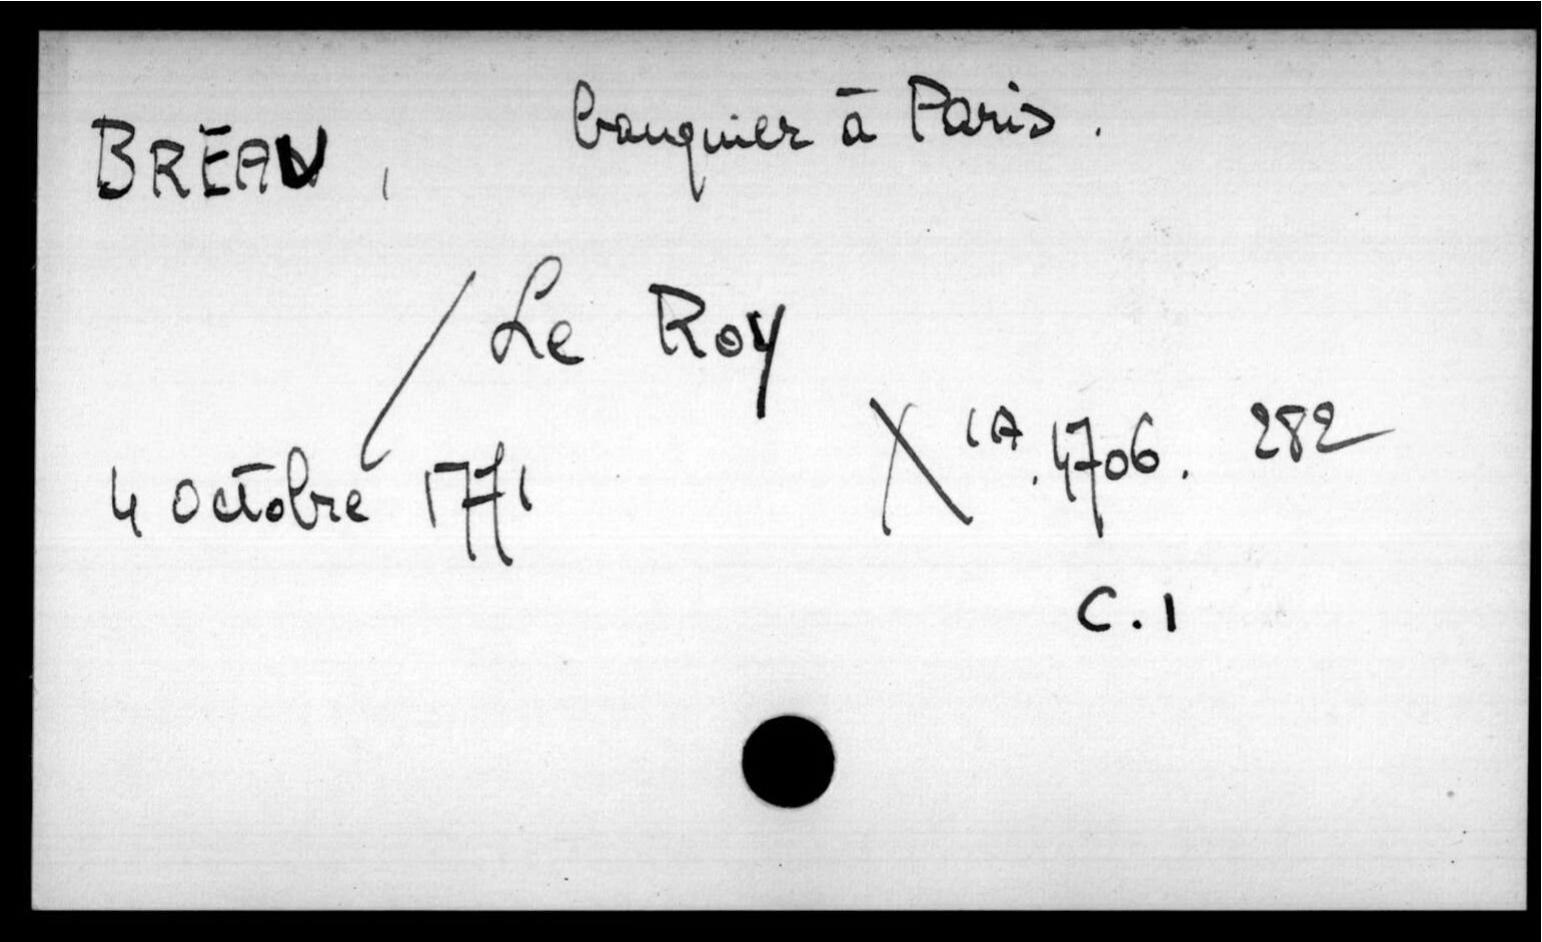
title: BREAU, banquier à Paris.
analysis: Contre Le Roy
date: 4 octobre 1771
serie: X1A
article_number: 4706
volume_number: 282, Conseil 1
